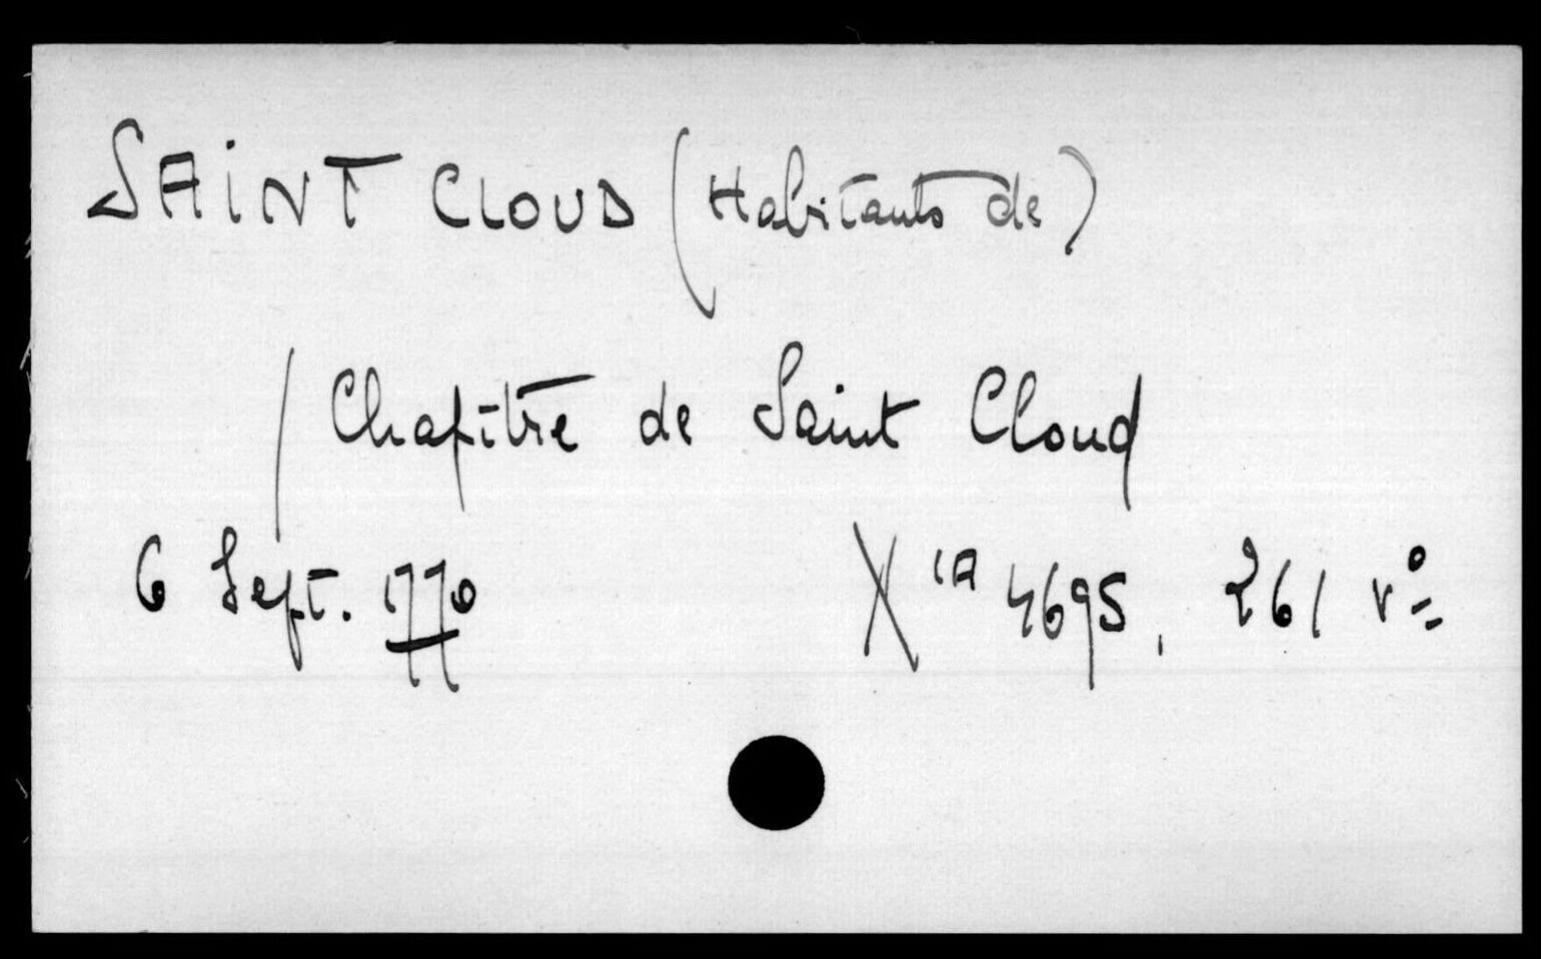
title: SAINT CLOUD (Habitants de)
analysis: Contre Chapitre de Saint Cloud
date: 6 septembre 1770
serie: X1A
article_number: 4695
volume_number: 261v
